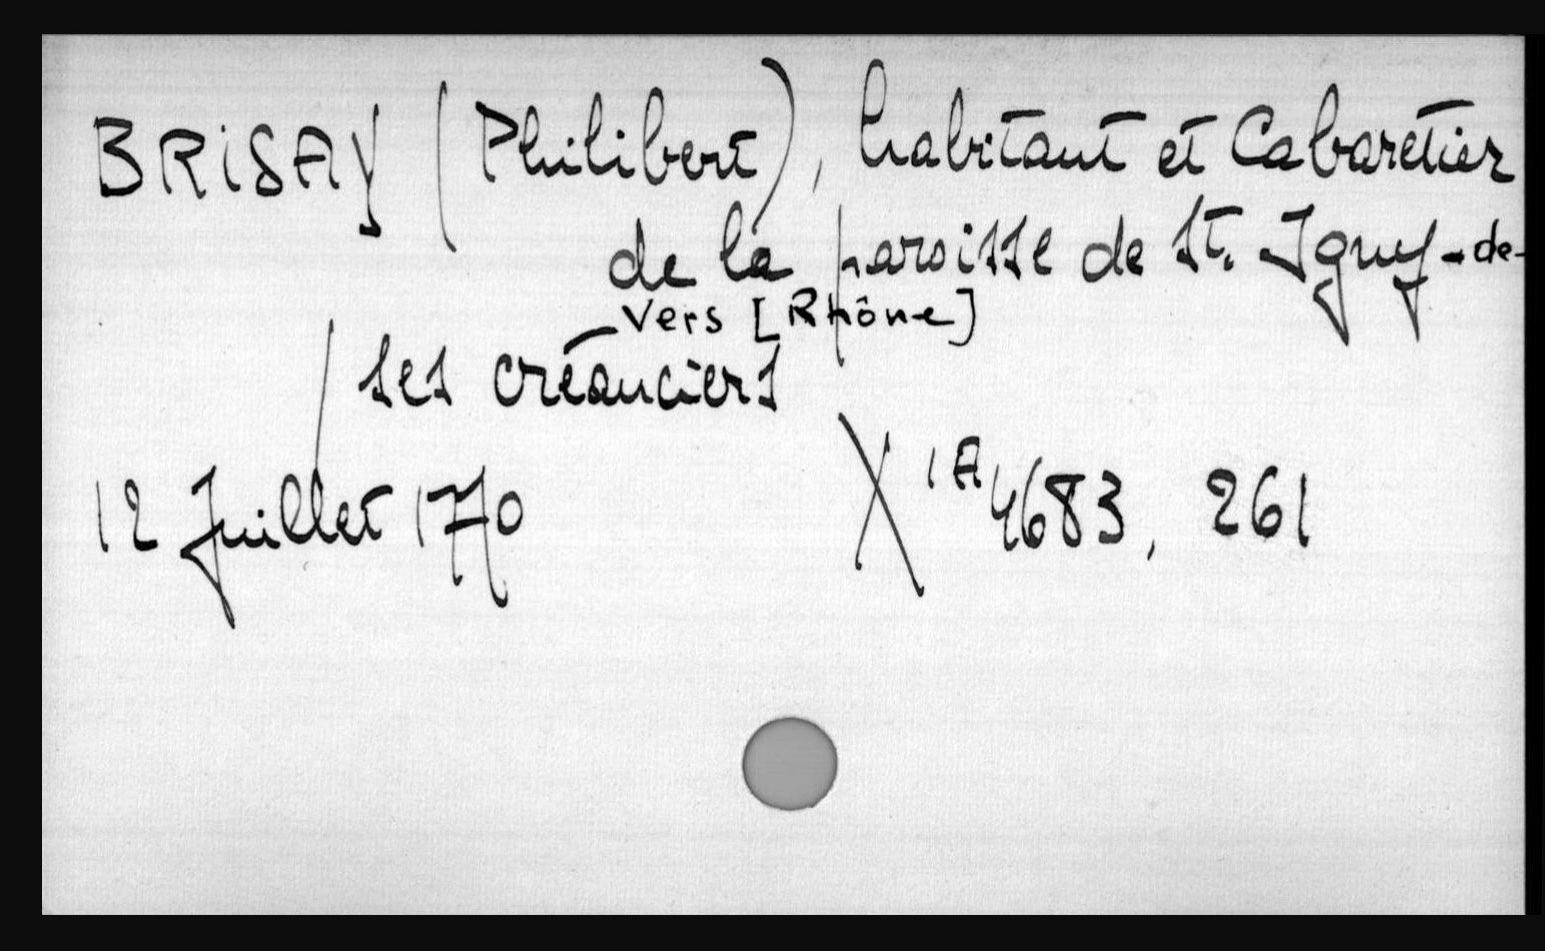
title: BRISAY (Philibert), habitant et Cabaretier de la paroisse de Saint-Igny-de Vers [Rhône]
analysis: Contre ses créanciers
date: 12 juillet 1770
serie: X1A
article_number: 4683
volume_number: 261
